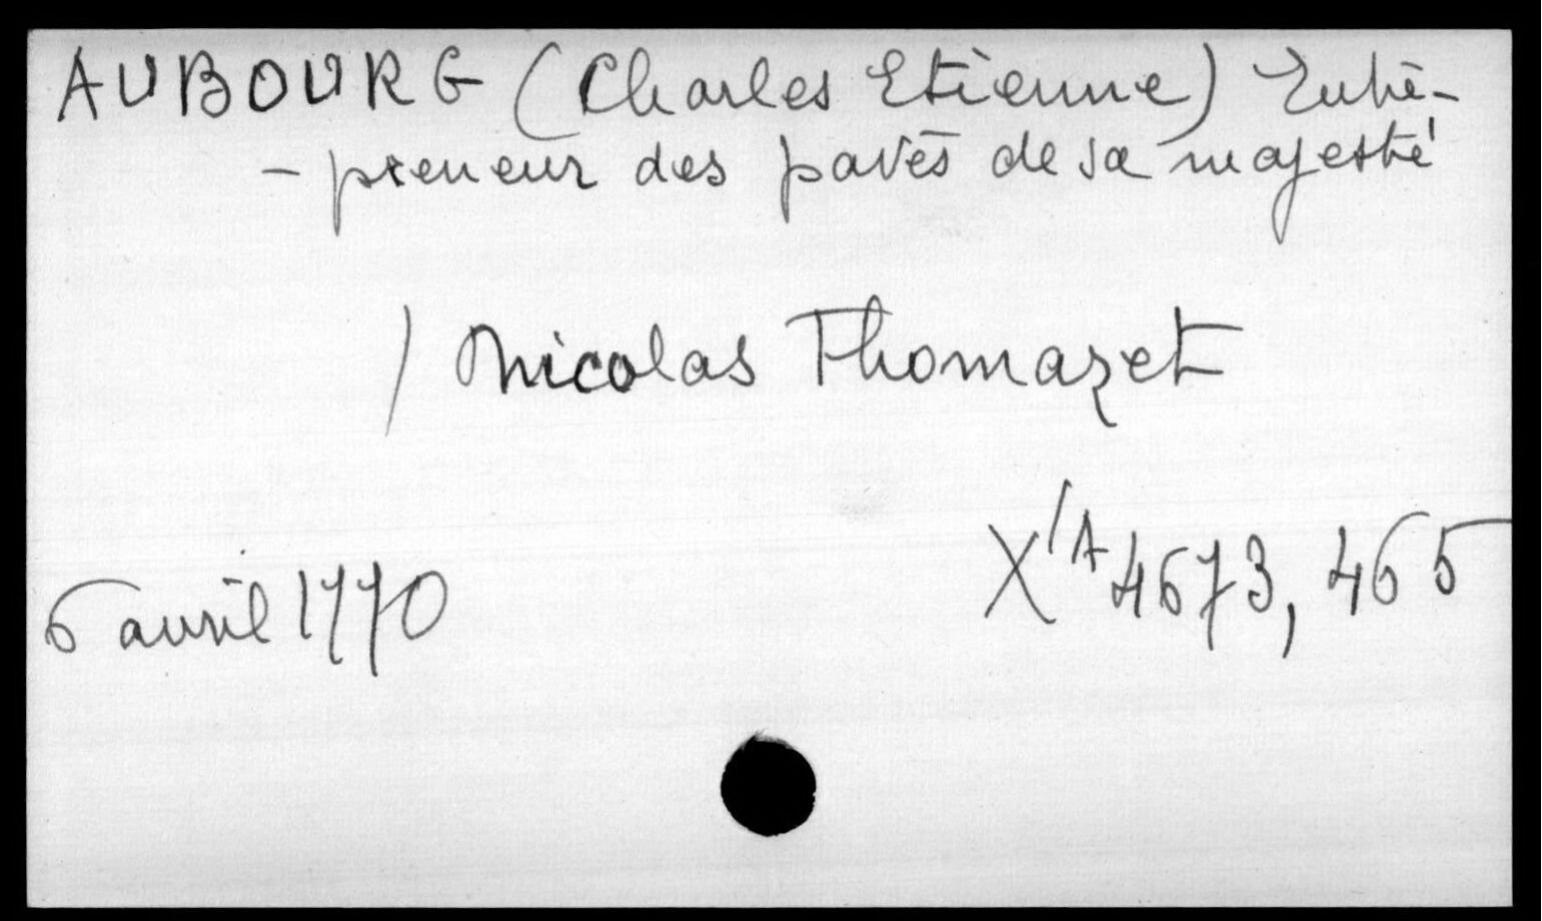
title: AUBOURG (Charles Etienne) Entrepreneur des pavés de sa majesté
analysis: Contre Nicolas Thomaret
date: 6 avril 1770
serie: X1A
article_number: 4673
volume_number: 465
